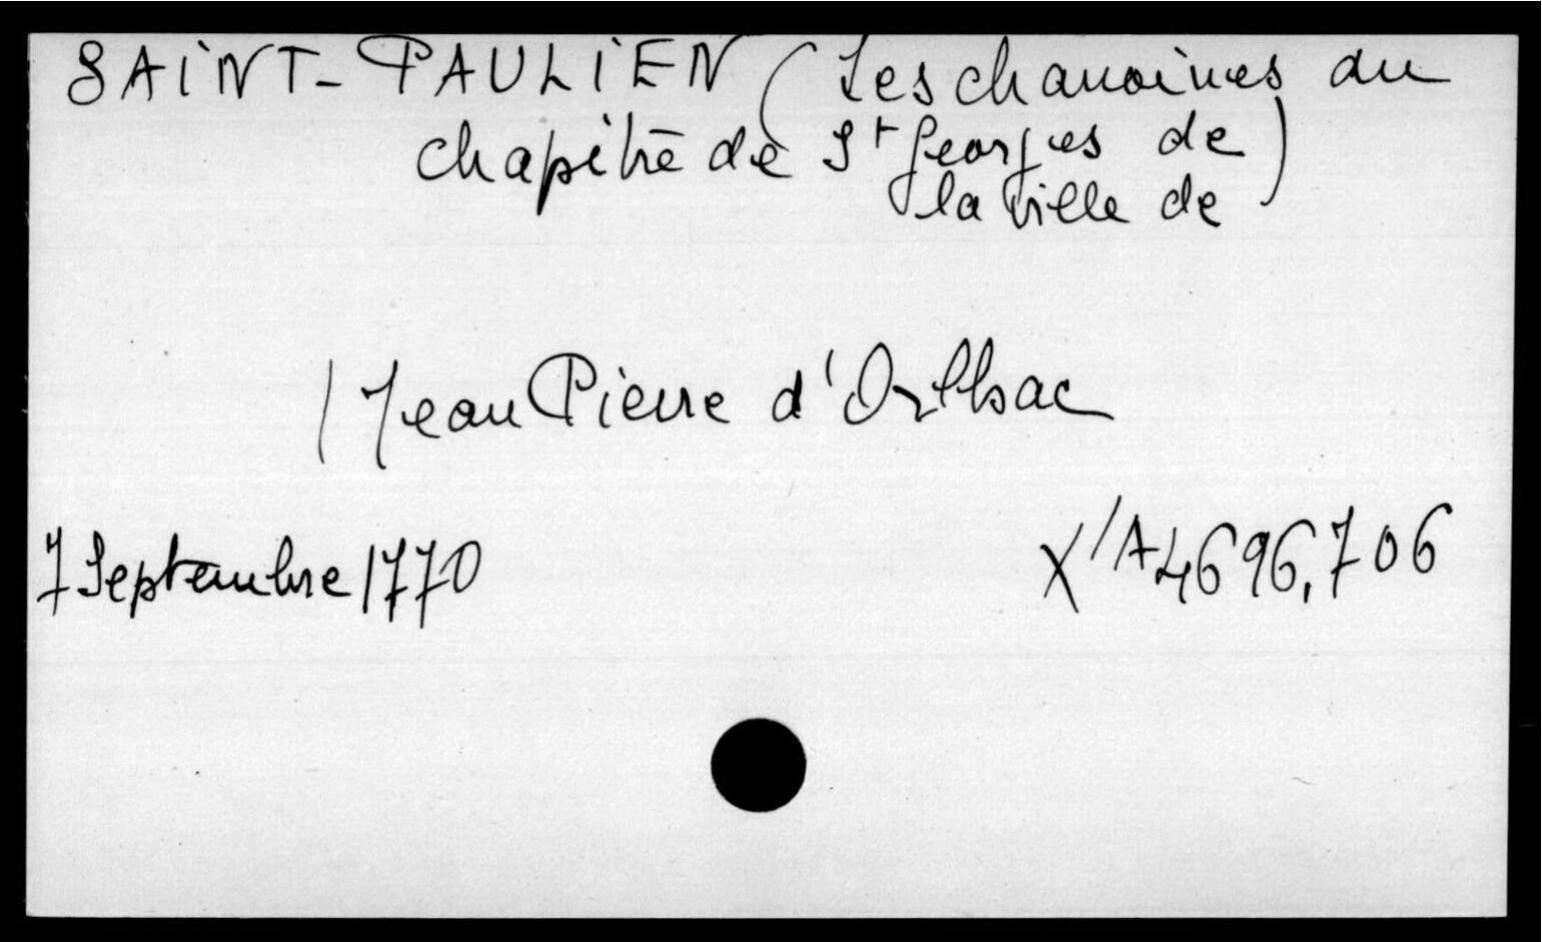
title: SAINT-PAULIEN (Les chanoines du chapitre de Saint Georges de la ville de)
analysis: Contre Jean Pierre d'Orlhac
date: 7 septembre 1770
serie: X1A
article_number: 4696
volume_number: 706
